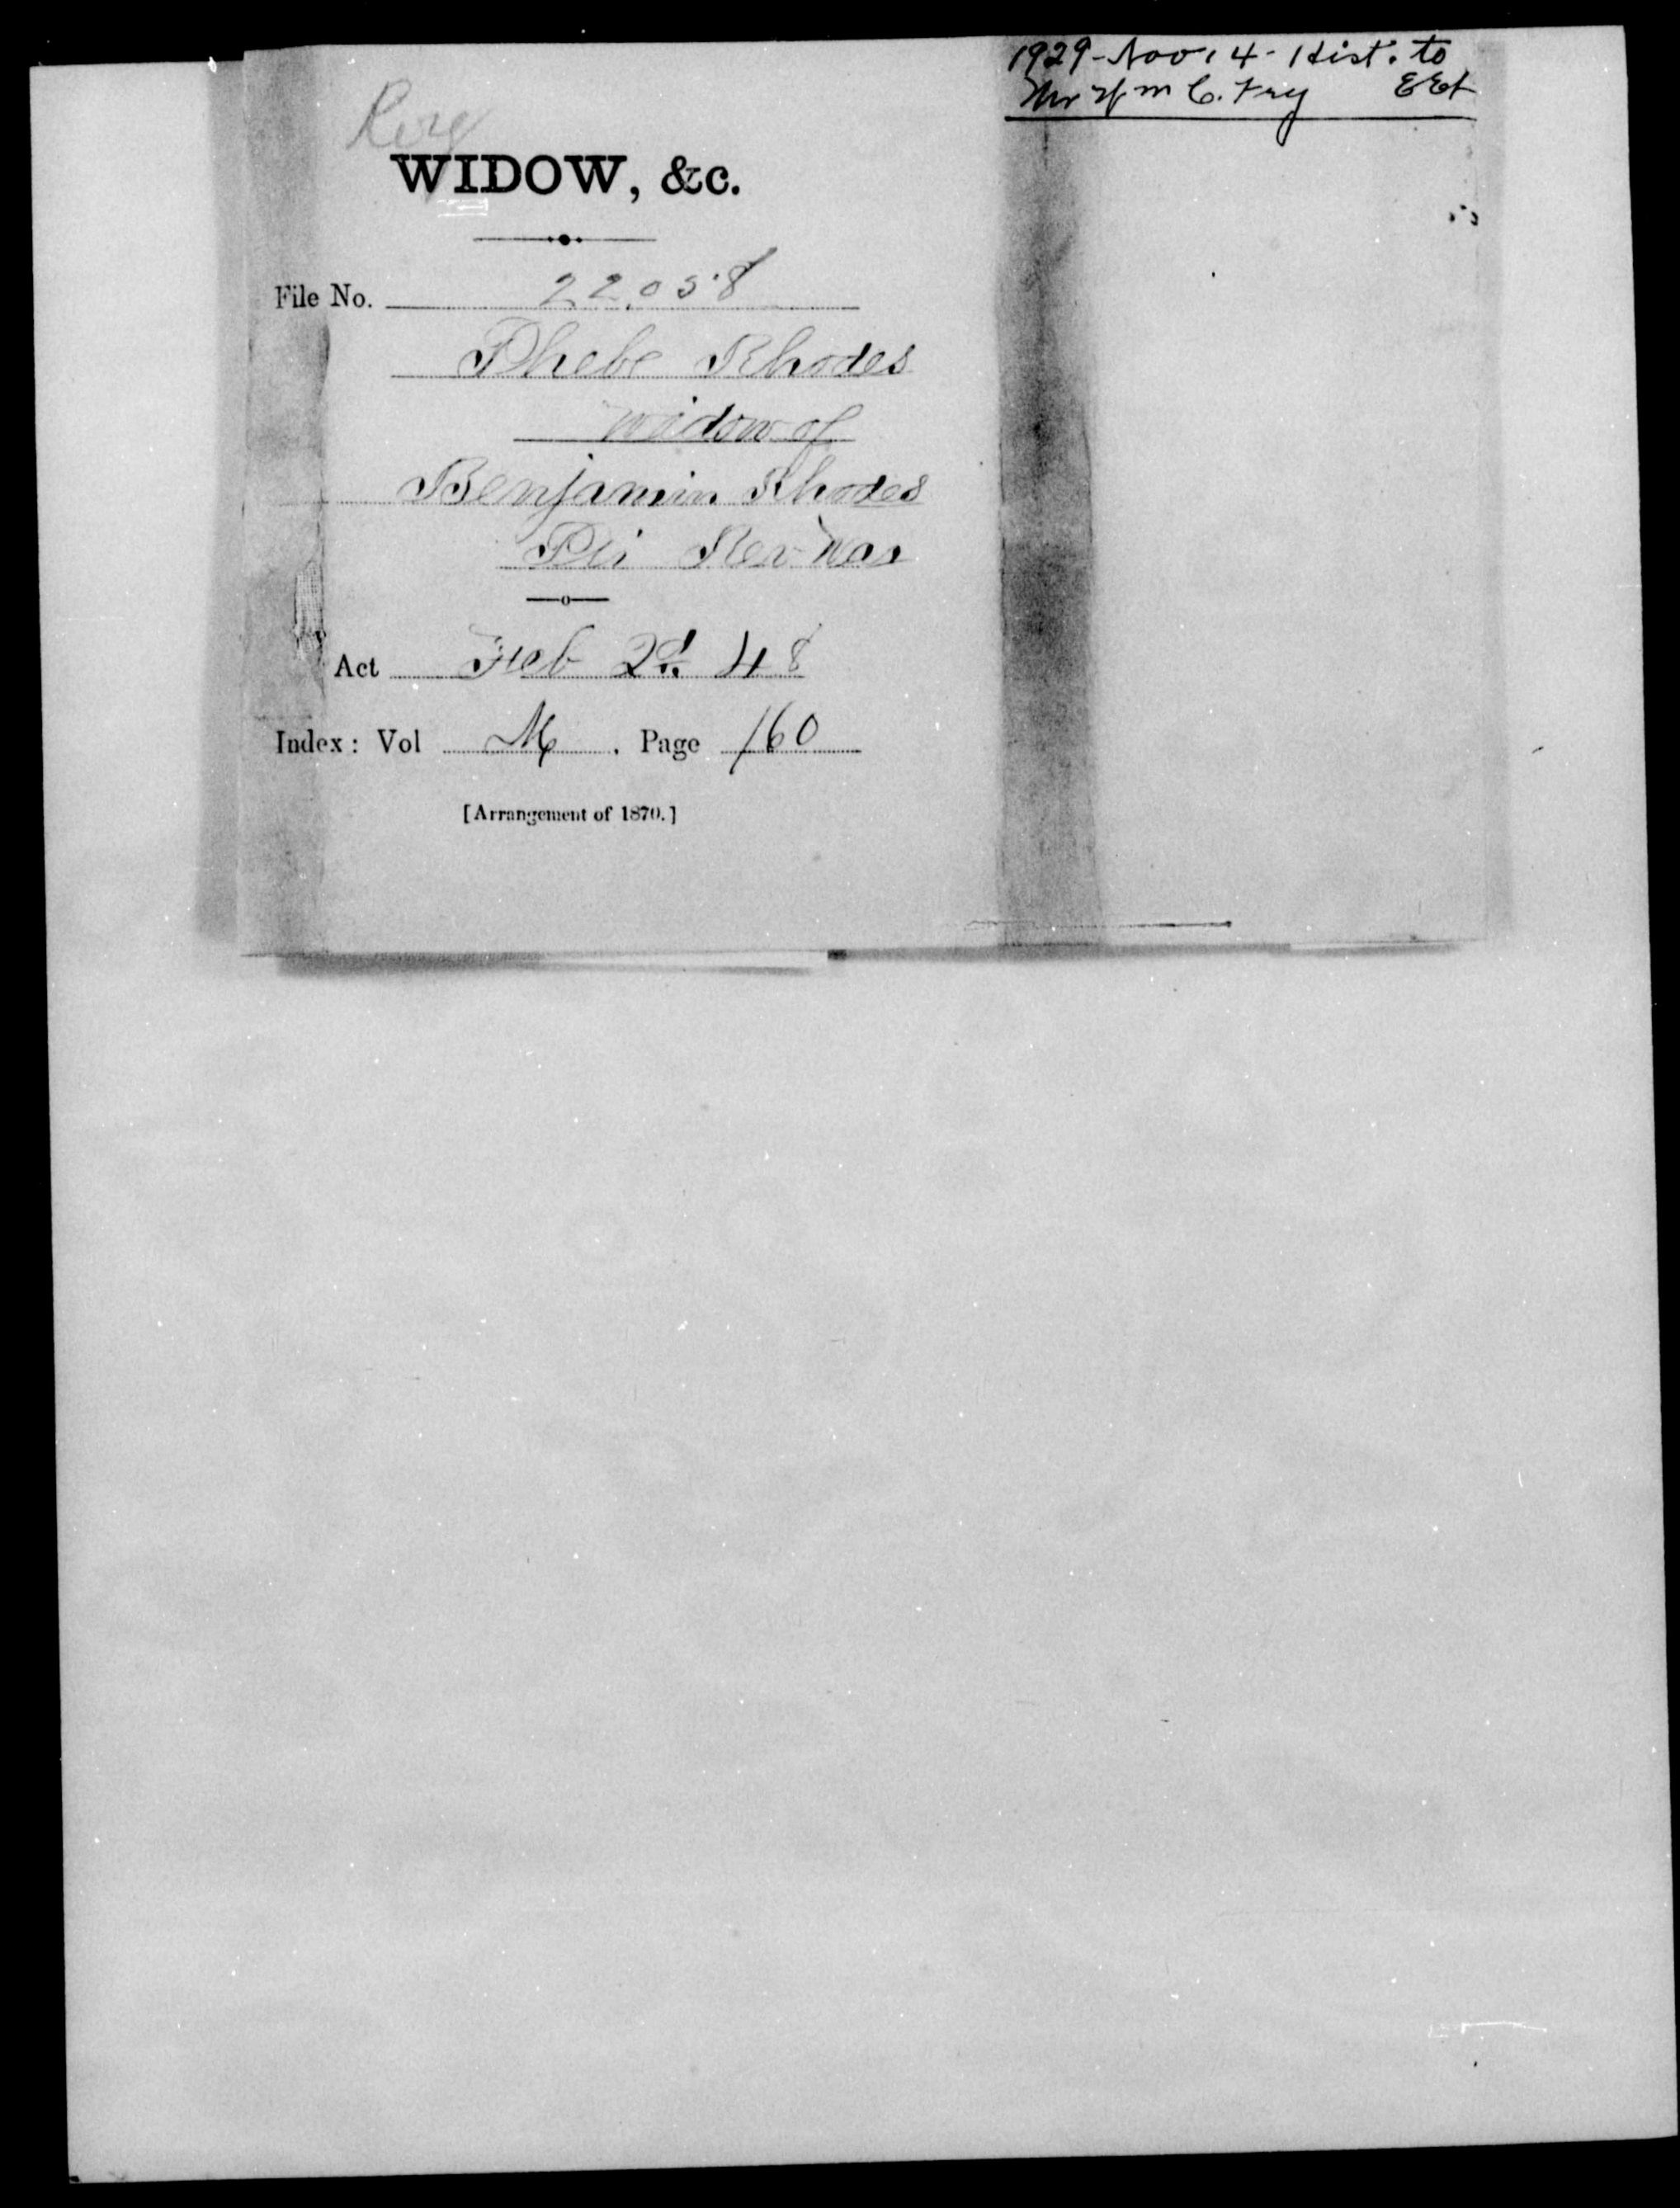Rev WIDOW, &c.
File No. 22058
Phebe Rhodes
widow of 
Benjamin Rhodes
Pri Rev War
Act Feb 2d 48
Index: Vol M, Page 160
[Arrangement of 1870]

1929 - Nov 14 - Hist to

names: Benjamin Rhodes; Wm C Fry; Phebe Rhodes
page: 28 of 50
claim: widow's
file: W. 22058, for Benjamin Rhodes, Rhode Island